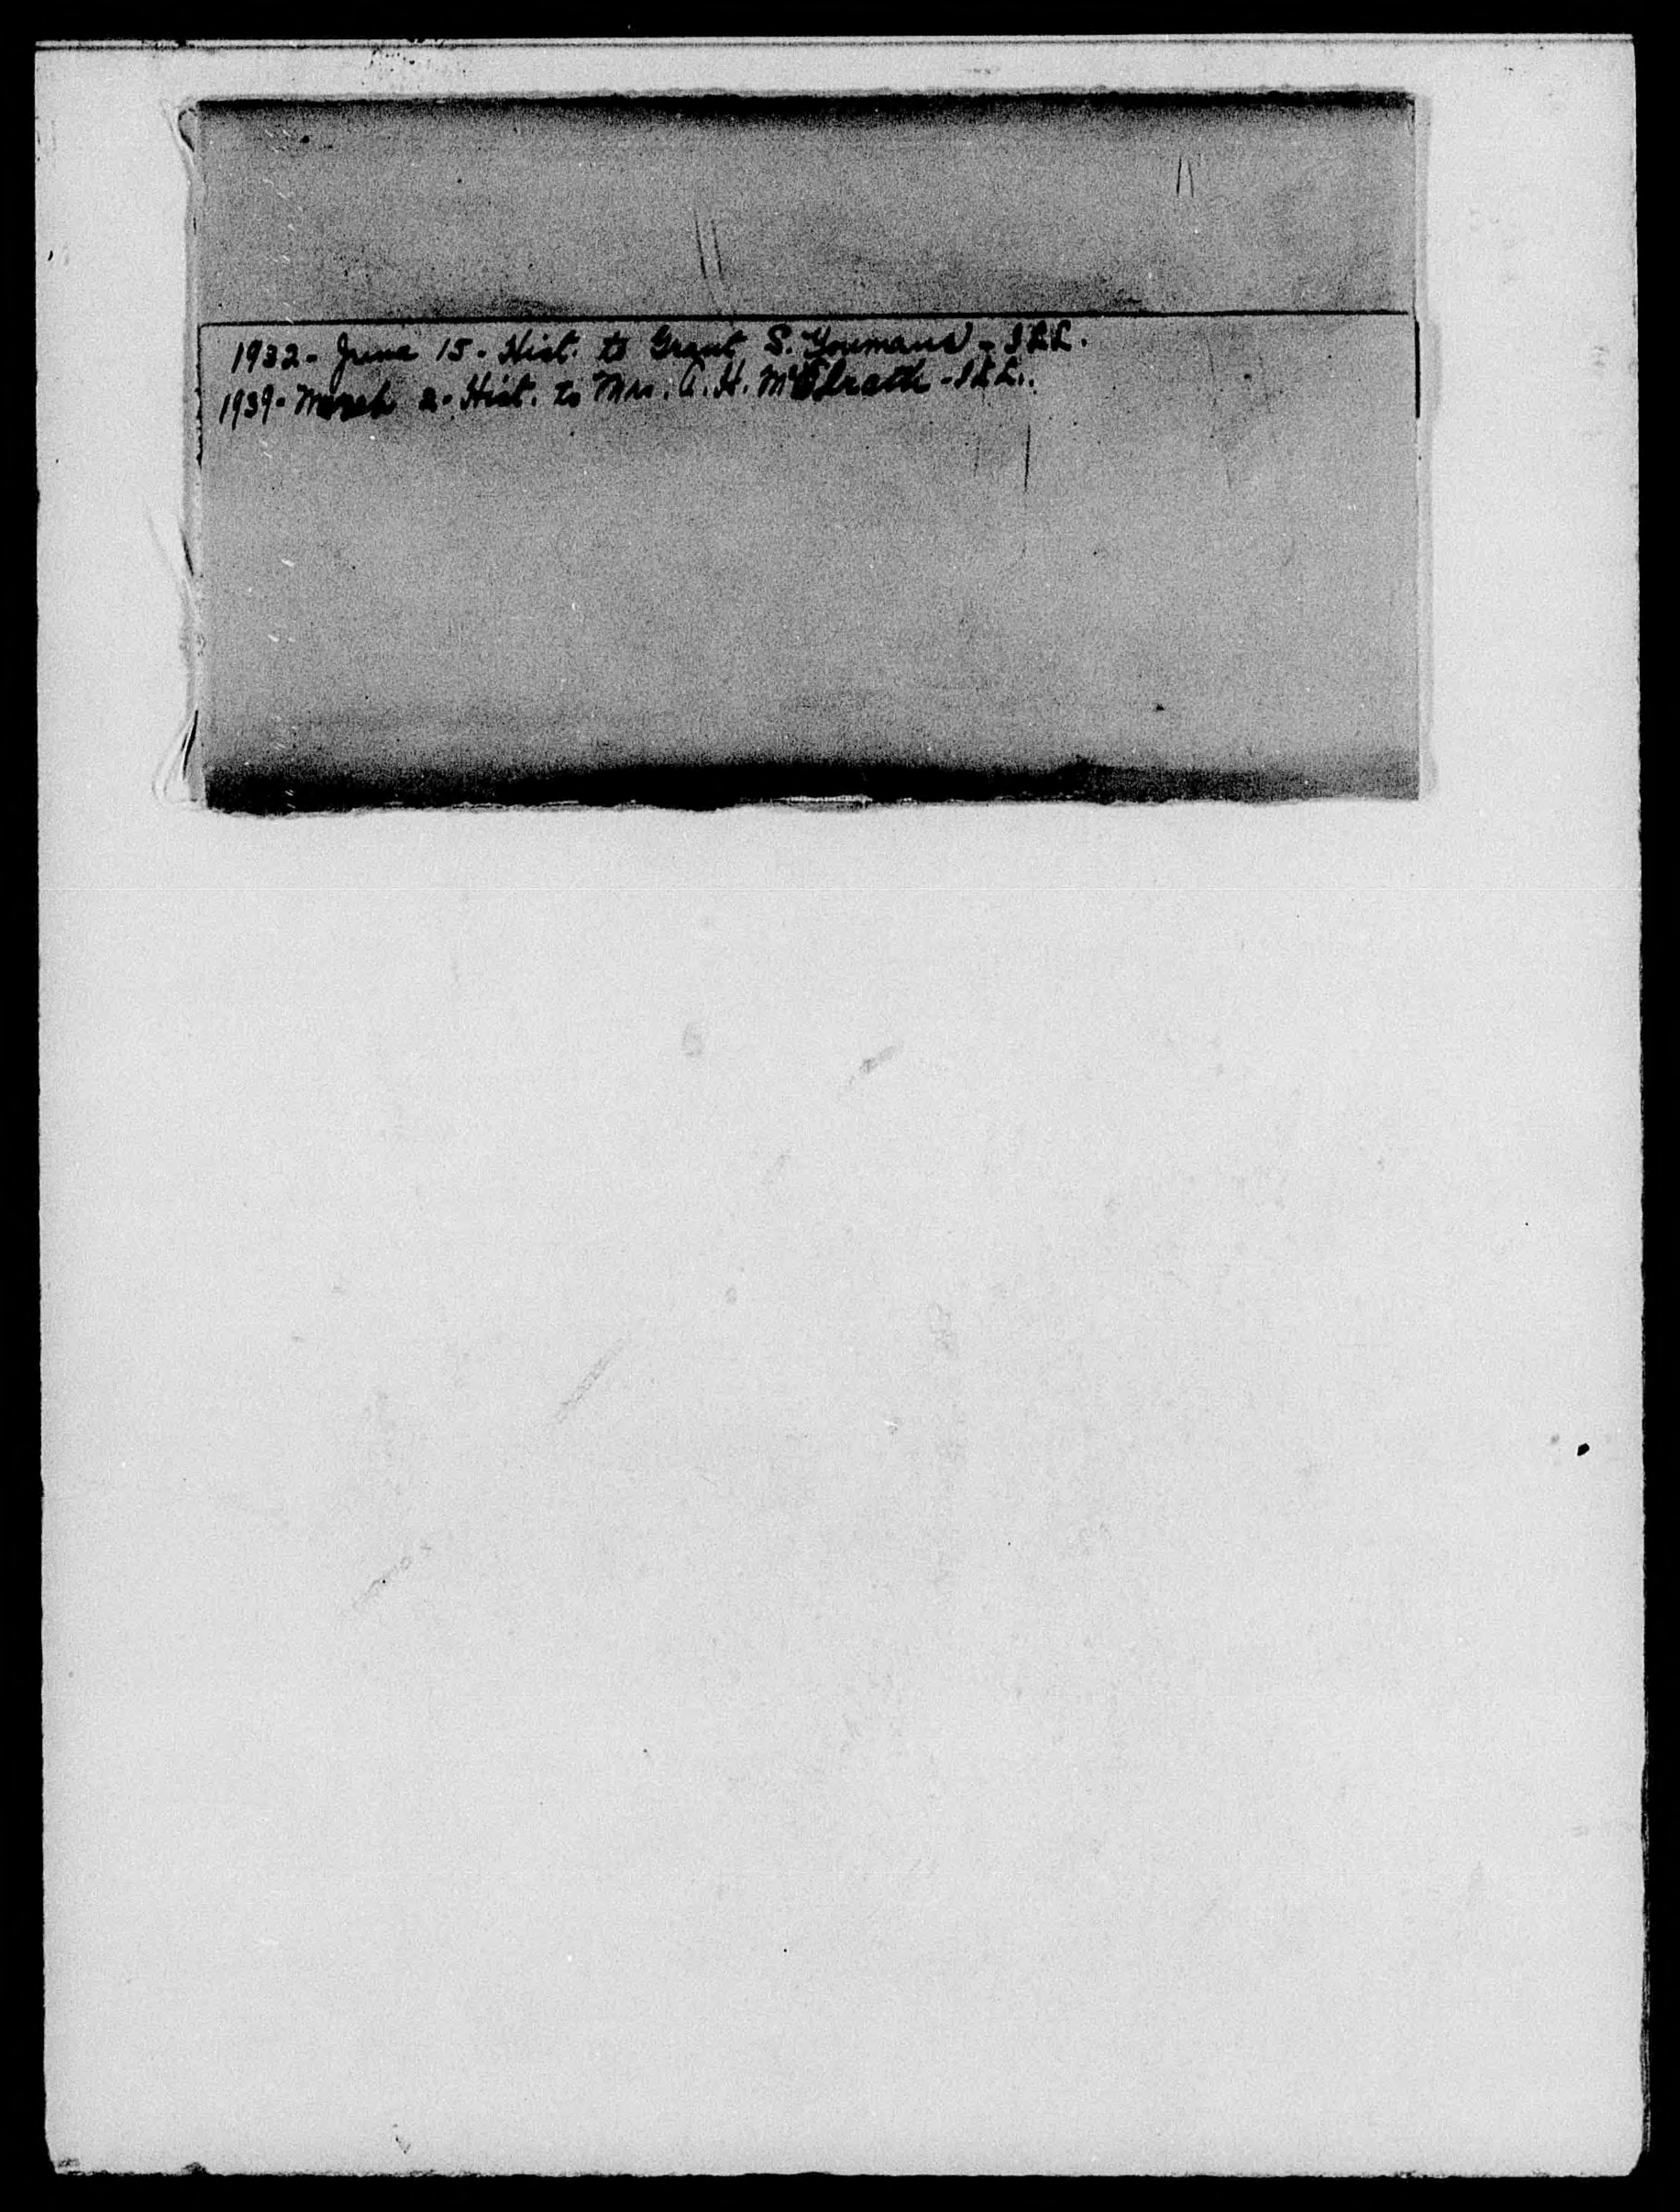1932 - June 15 - Hist. to Grant S. Youmans - JLL
1939- March 2 Hist. to Mrs A.H. McElred JLL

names: A H Mc Elrath, Grant S Youmans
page: 12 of 20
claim: survivor's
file: S. 41581, John Gillespie, Continental Del.